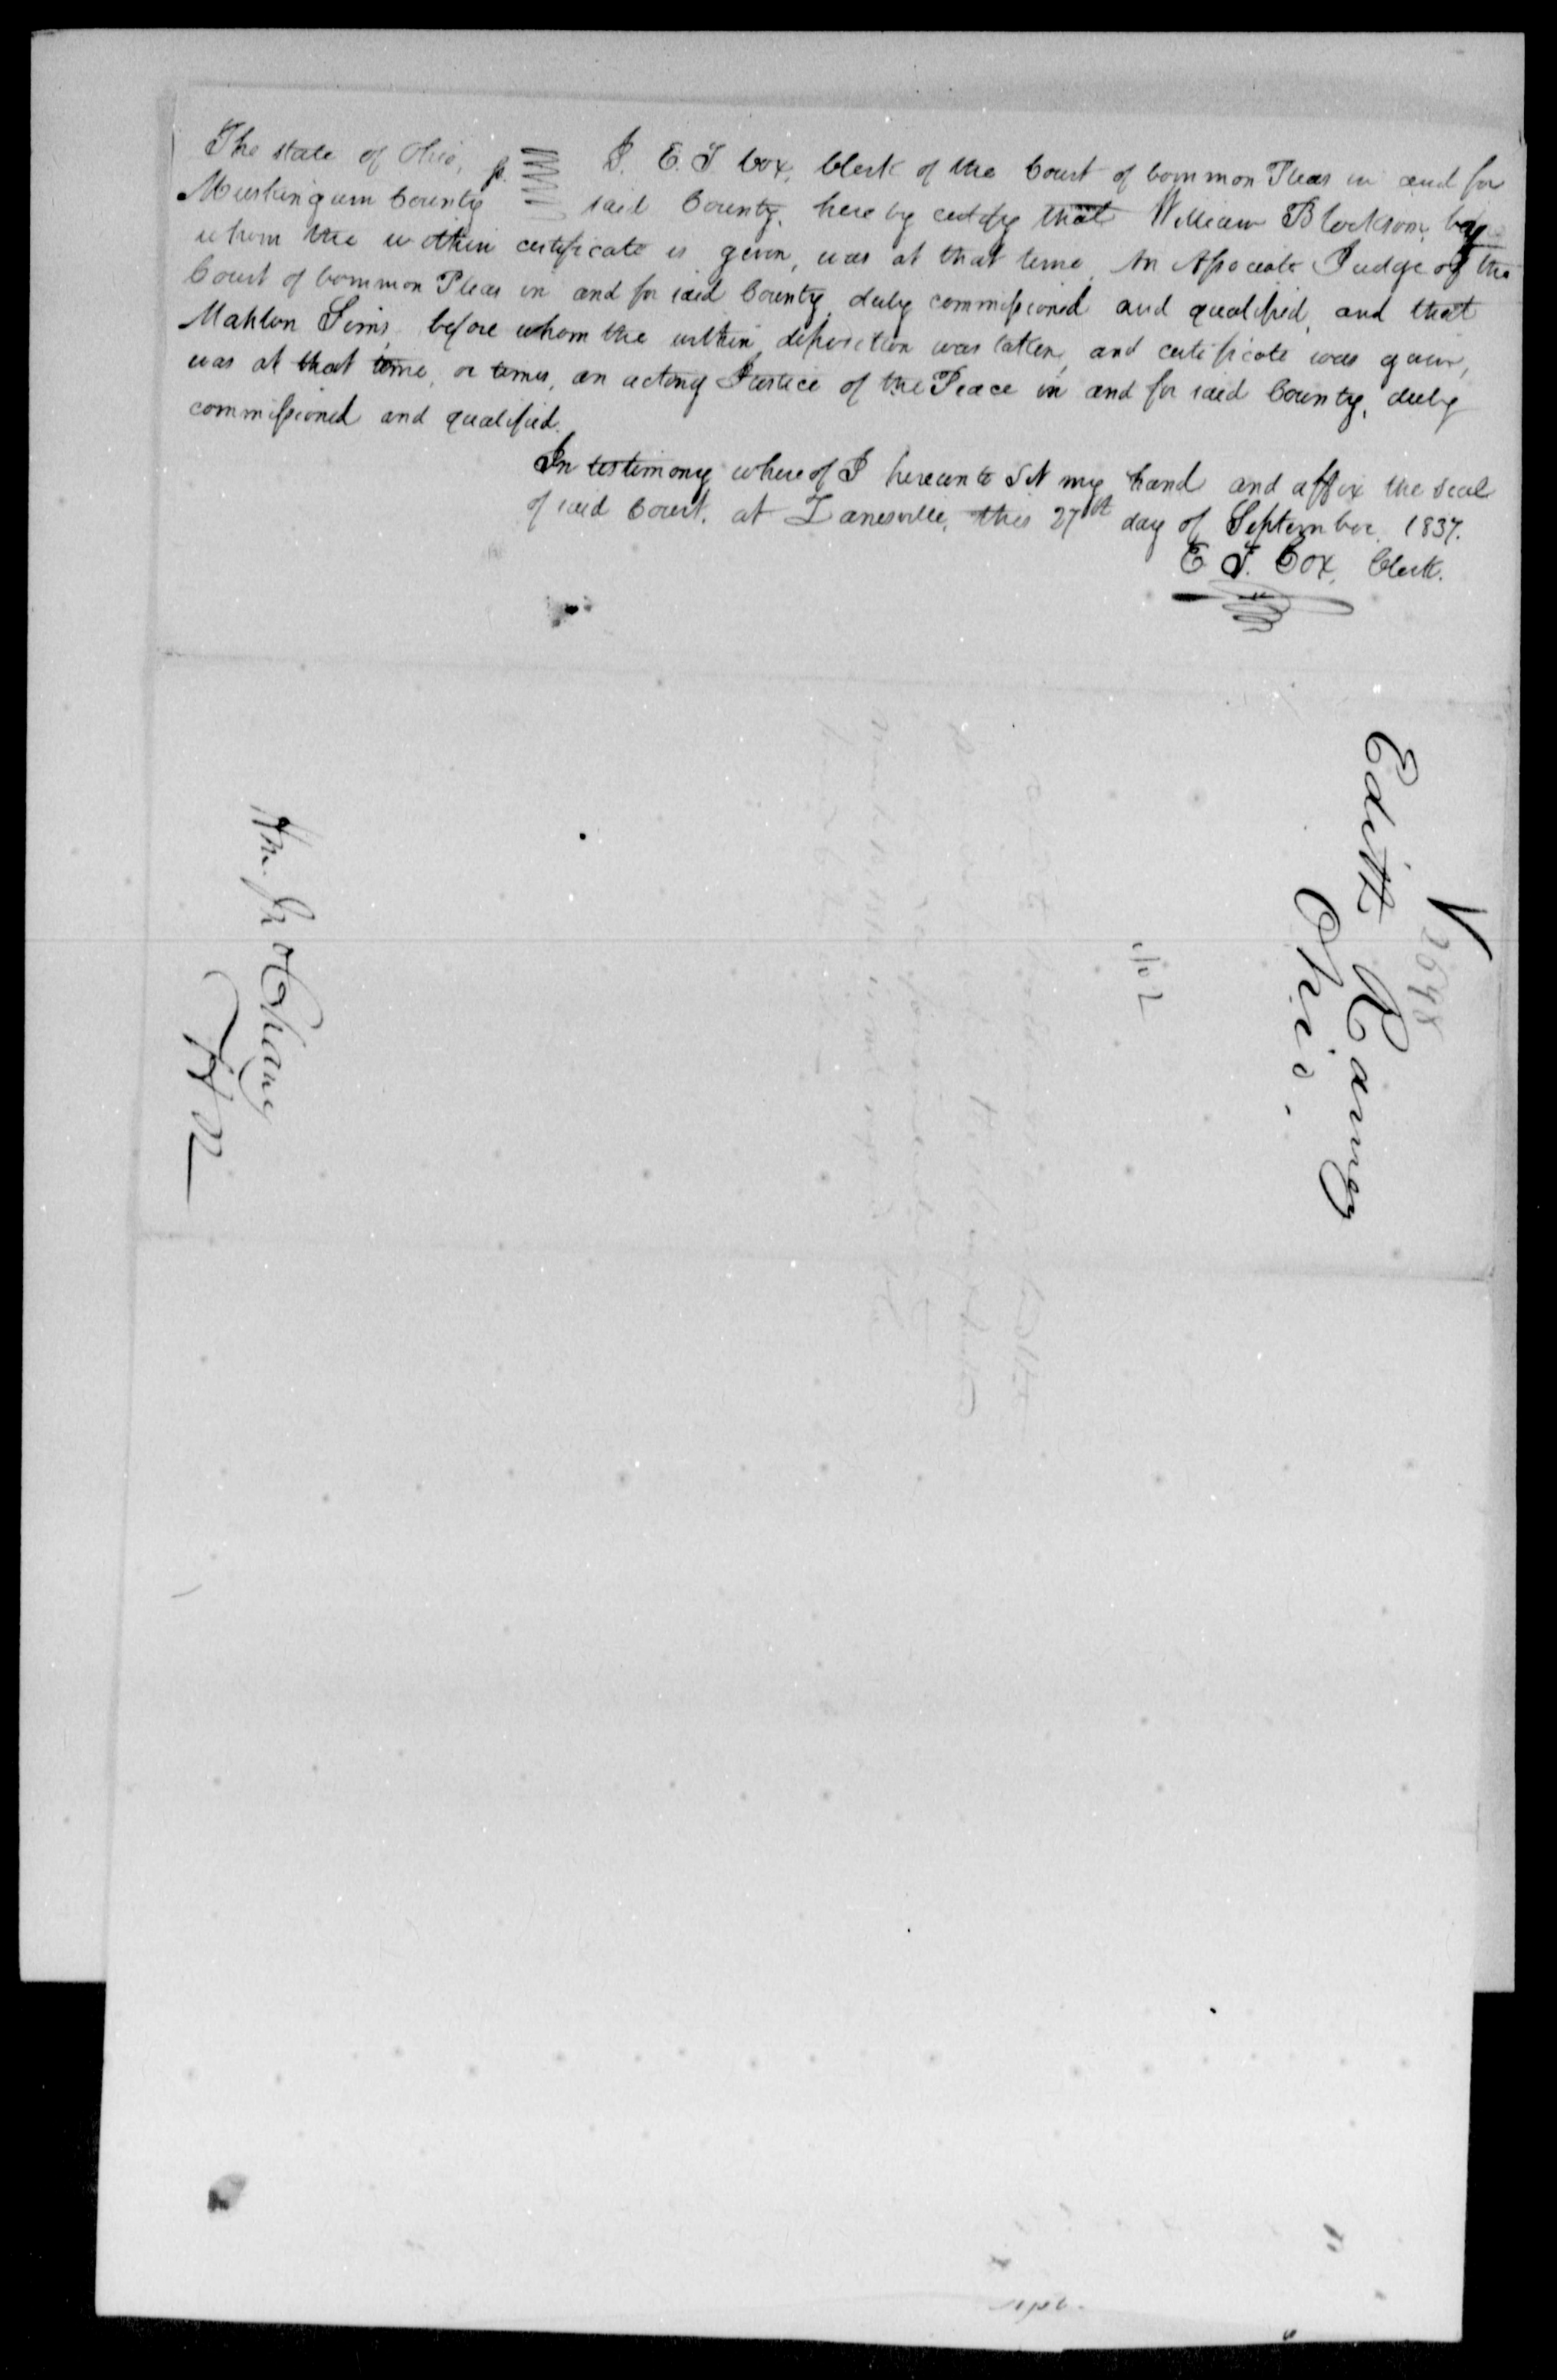The state of Ohio 
Muskingum County I, E. T. Cox, Clerk of the Court of Common Pleas in and for said County, hereby certify that William Blocksom Esq whom the within certificate is given, was at the time An Associate Judge of the Court of Common Pleas in and for said County duly commissioned and qualified, and that Mahlon Sims, before whom the within deposition was taken and certificate was given, was at that time, or times, an acting Justice of the Peace in and for said County, duly commissioned and qualified.
In testimony whereof I hereunto set my hand and affix the seal of said Court at Lanesville, this 27th day of September 1837.
E. T. Cox. Clerk.

V2698
Edith Ramey
Ohio.
No 2
Hon. Jno Chany
HR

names: Edith Ramey; William Blocksom; E T Cox; E T Cox; Jno Chany; Mahlon Sims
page: 13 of 84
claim: widow's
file: W.11104, for John Remay, Virginia